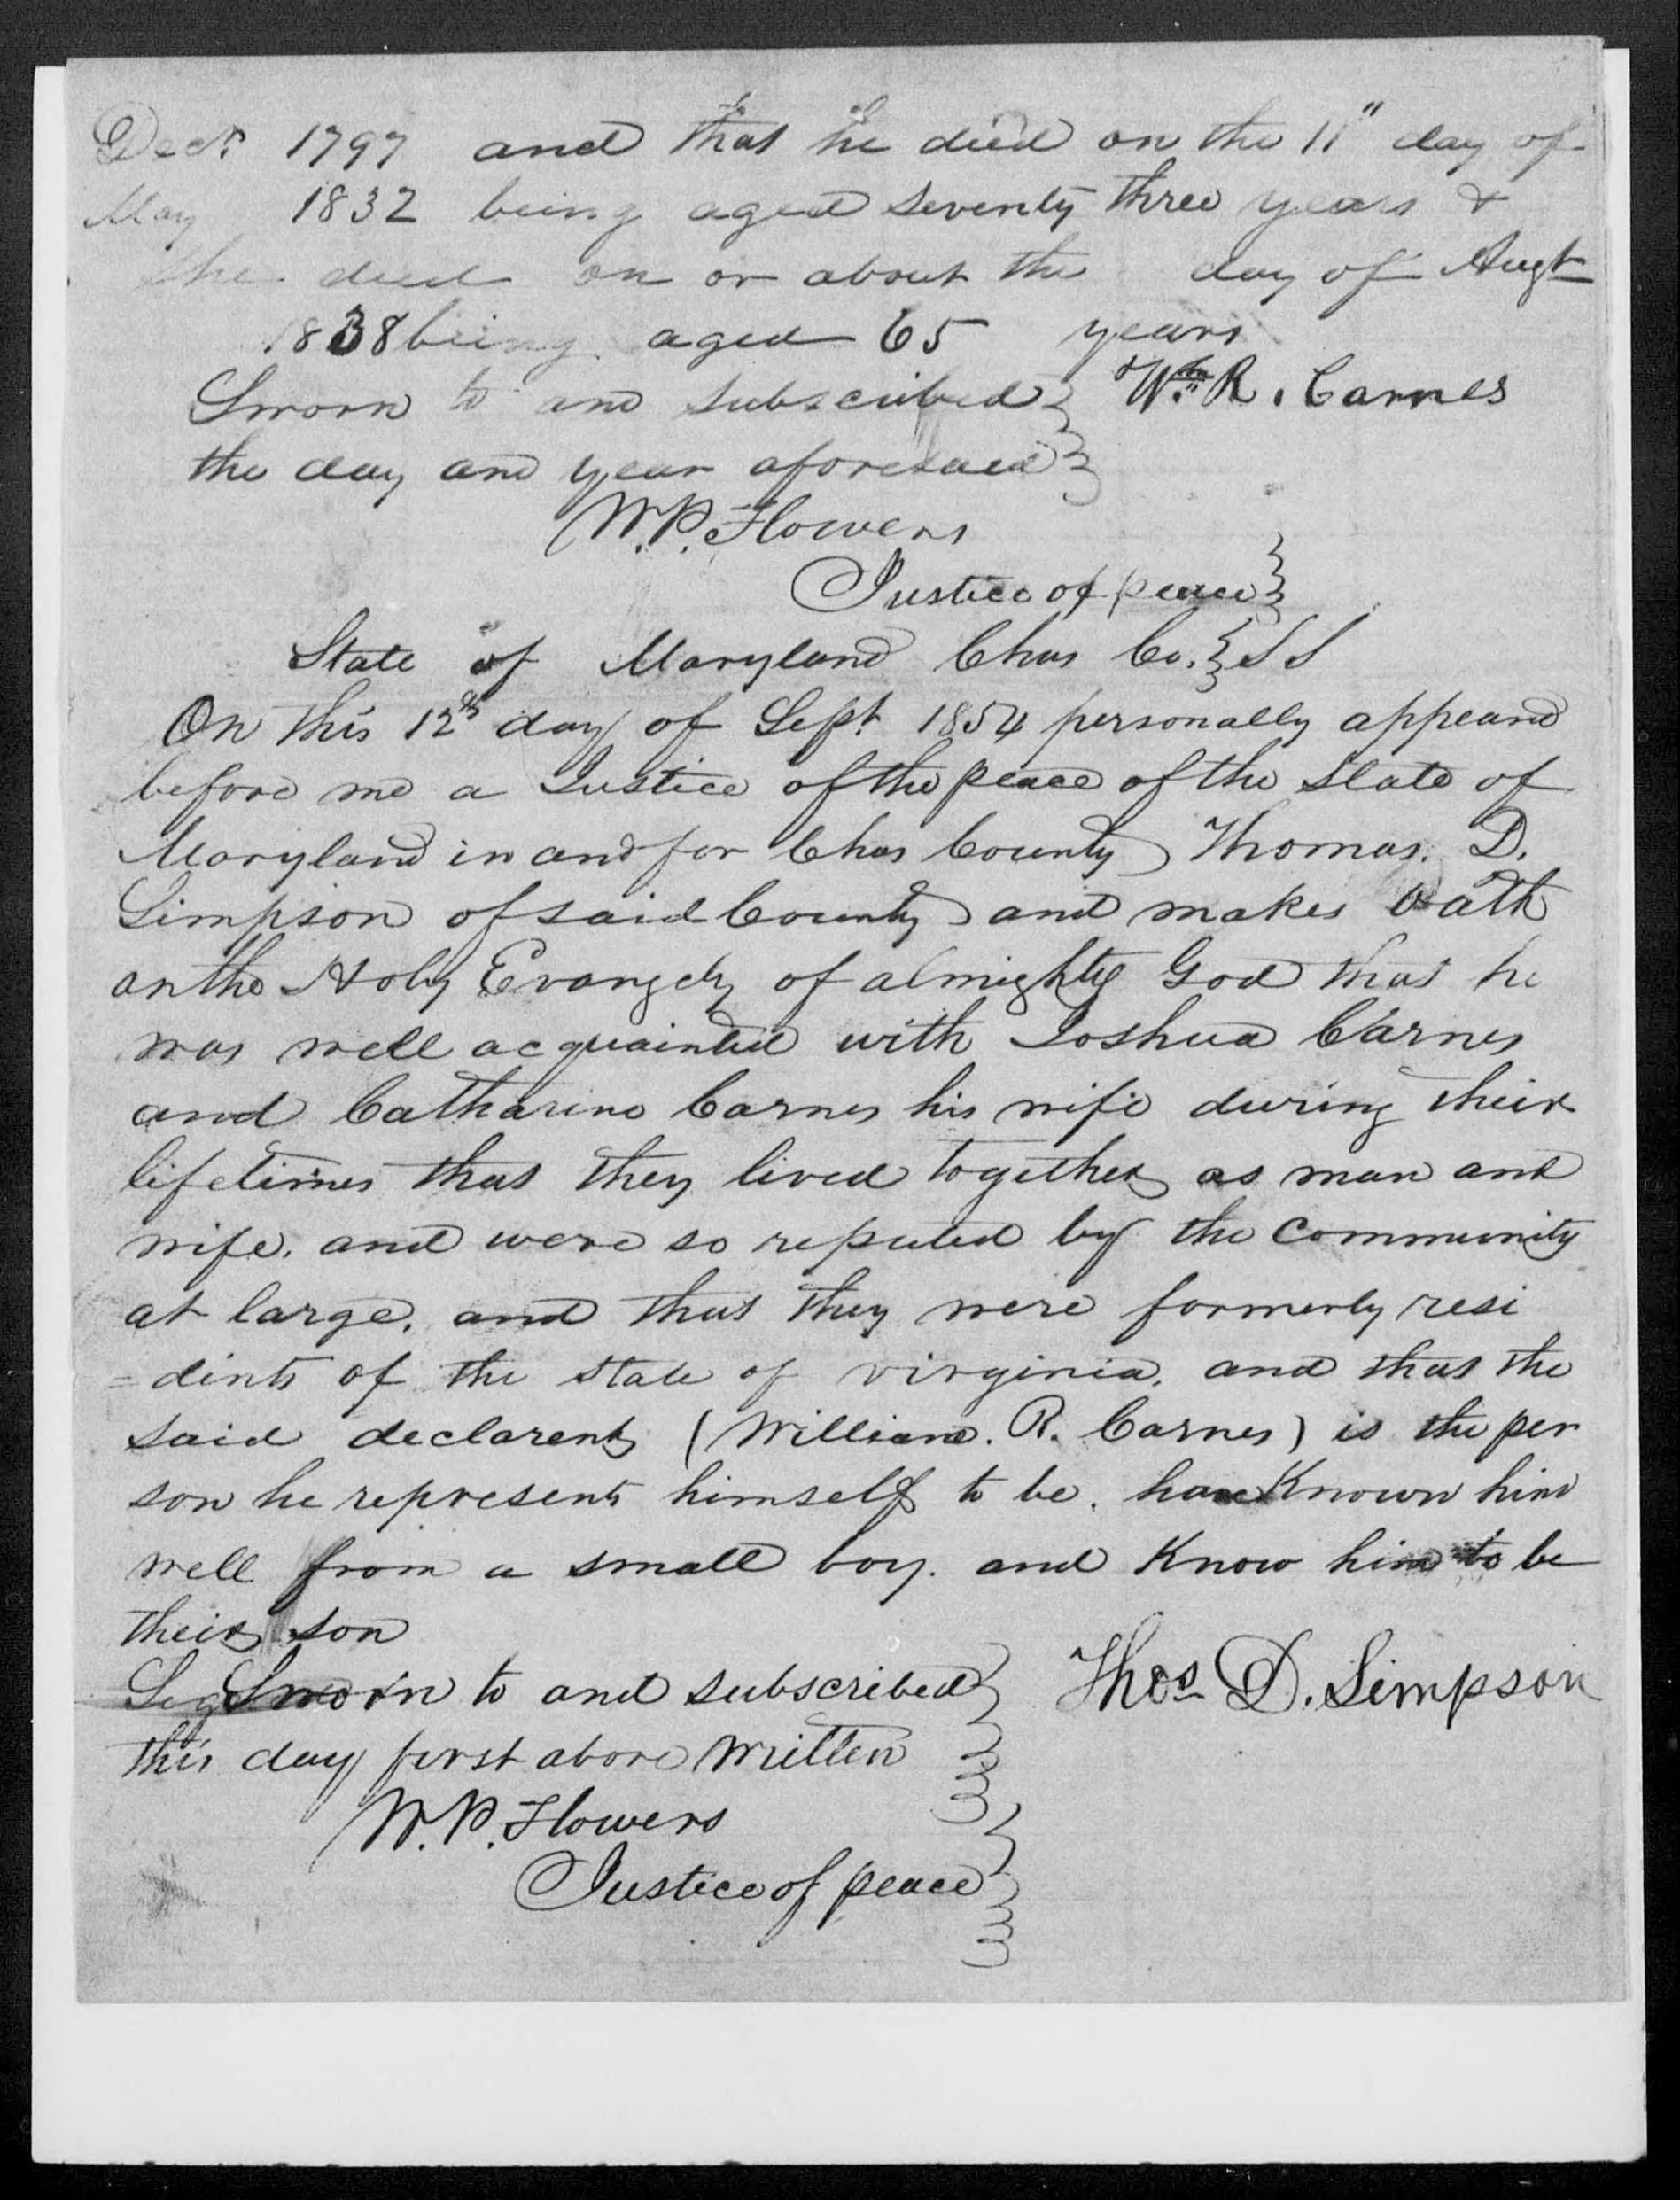Dec. 1797 and that he died on the 11th day of May 1832 being aged seventy-three years and she died on or about the day of Aug 1838 being aged 65 years.
Sworn to and subscribed 
The day and year aforesaid		
WR. Carnes
W.P. Flowers
Justice of peace

State of Maryland Char Co.
On this 12th day of Sept. 1854 personally appeared before me a Justice of the peace of the State of Maryland in and for Char County Thomas D. Simpson of said County and makes oath on the Holy Evanely of Almighty God that he was well acquainted with Joshua Carnes and Catherine Carnes his wife during their lifetimes that they lived together as man and wife, and were so respected by the community at large and that they were formerly residents of the State of Virginia and that the said declarers (William R. Carnes) is the person he represents himself to be, have known him well from a small boy. And know him to be their son.
To Sworn to and subscribed this day first above written		
Thos. D. Simpson
M P Flowers
Justice of Peace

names: Joshua Carnes, William R Carnes, Wm R Carnes, W P Flowers, Thos D Simpson, W P Flowers, Catharine Carnes, Thomas D Simpson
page: 13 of 22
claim: rejected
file: R 1709, Joshua Carnes, Va.